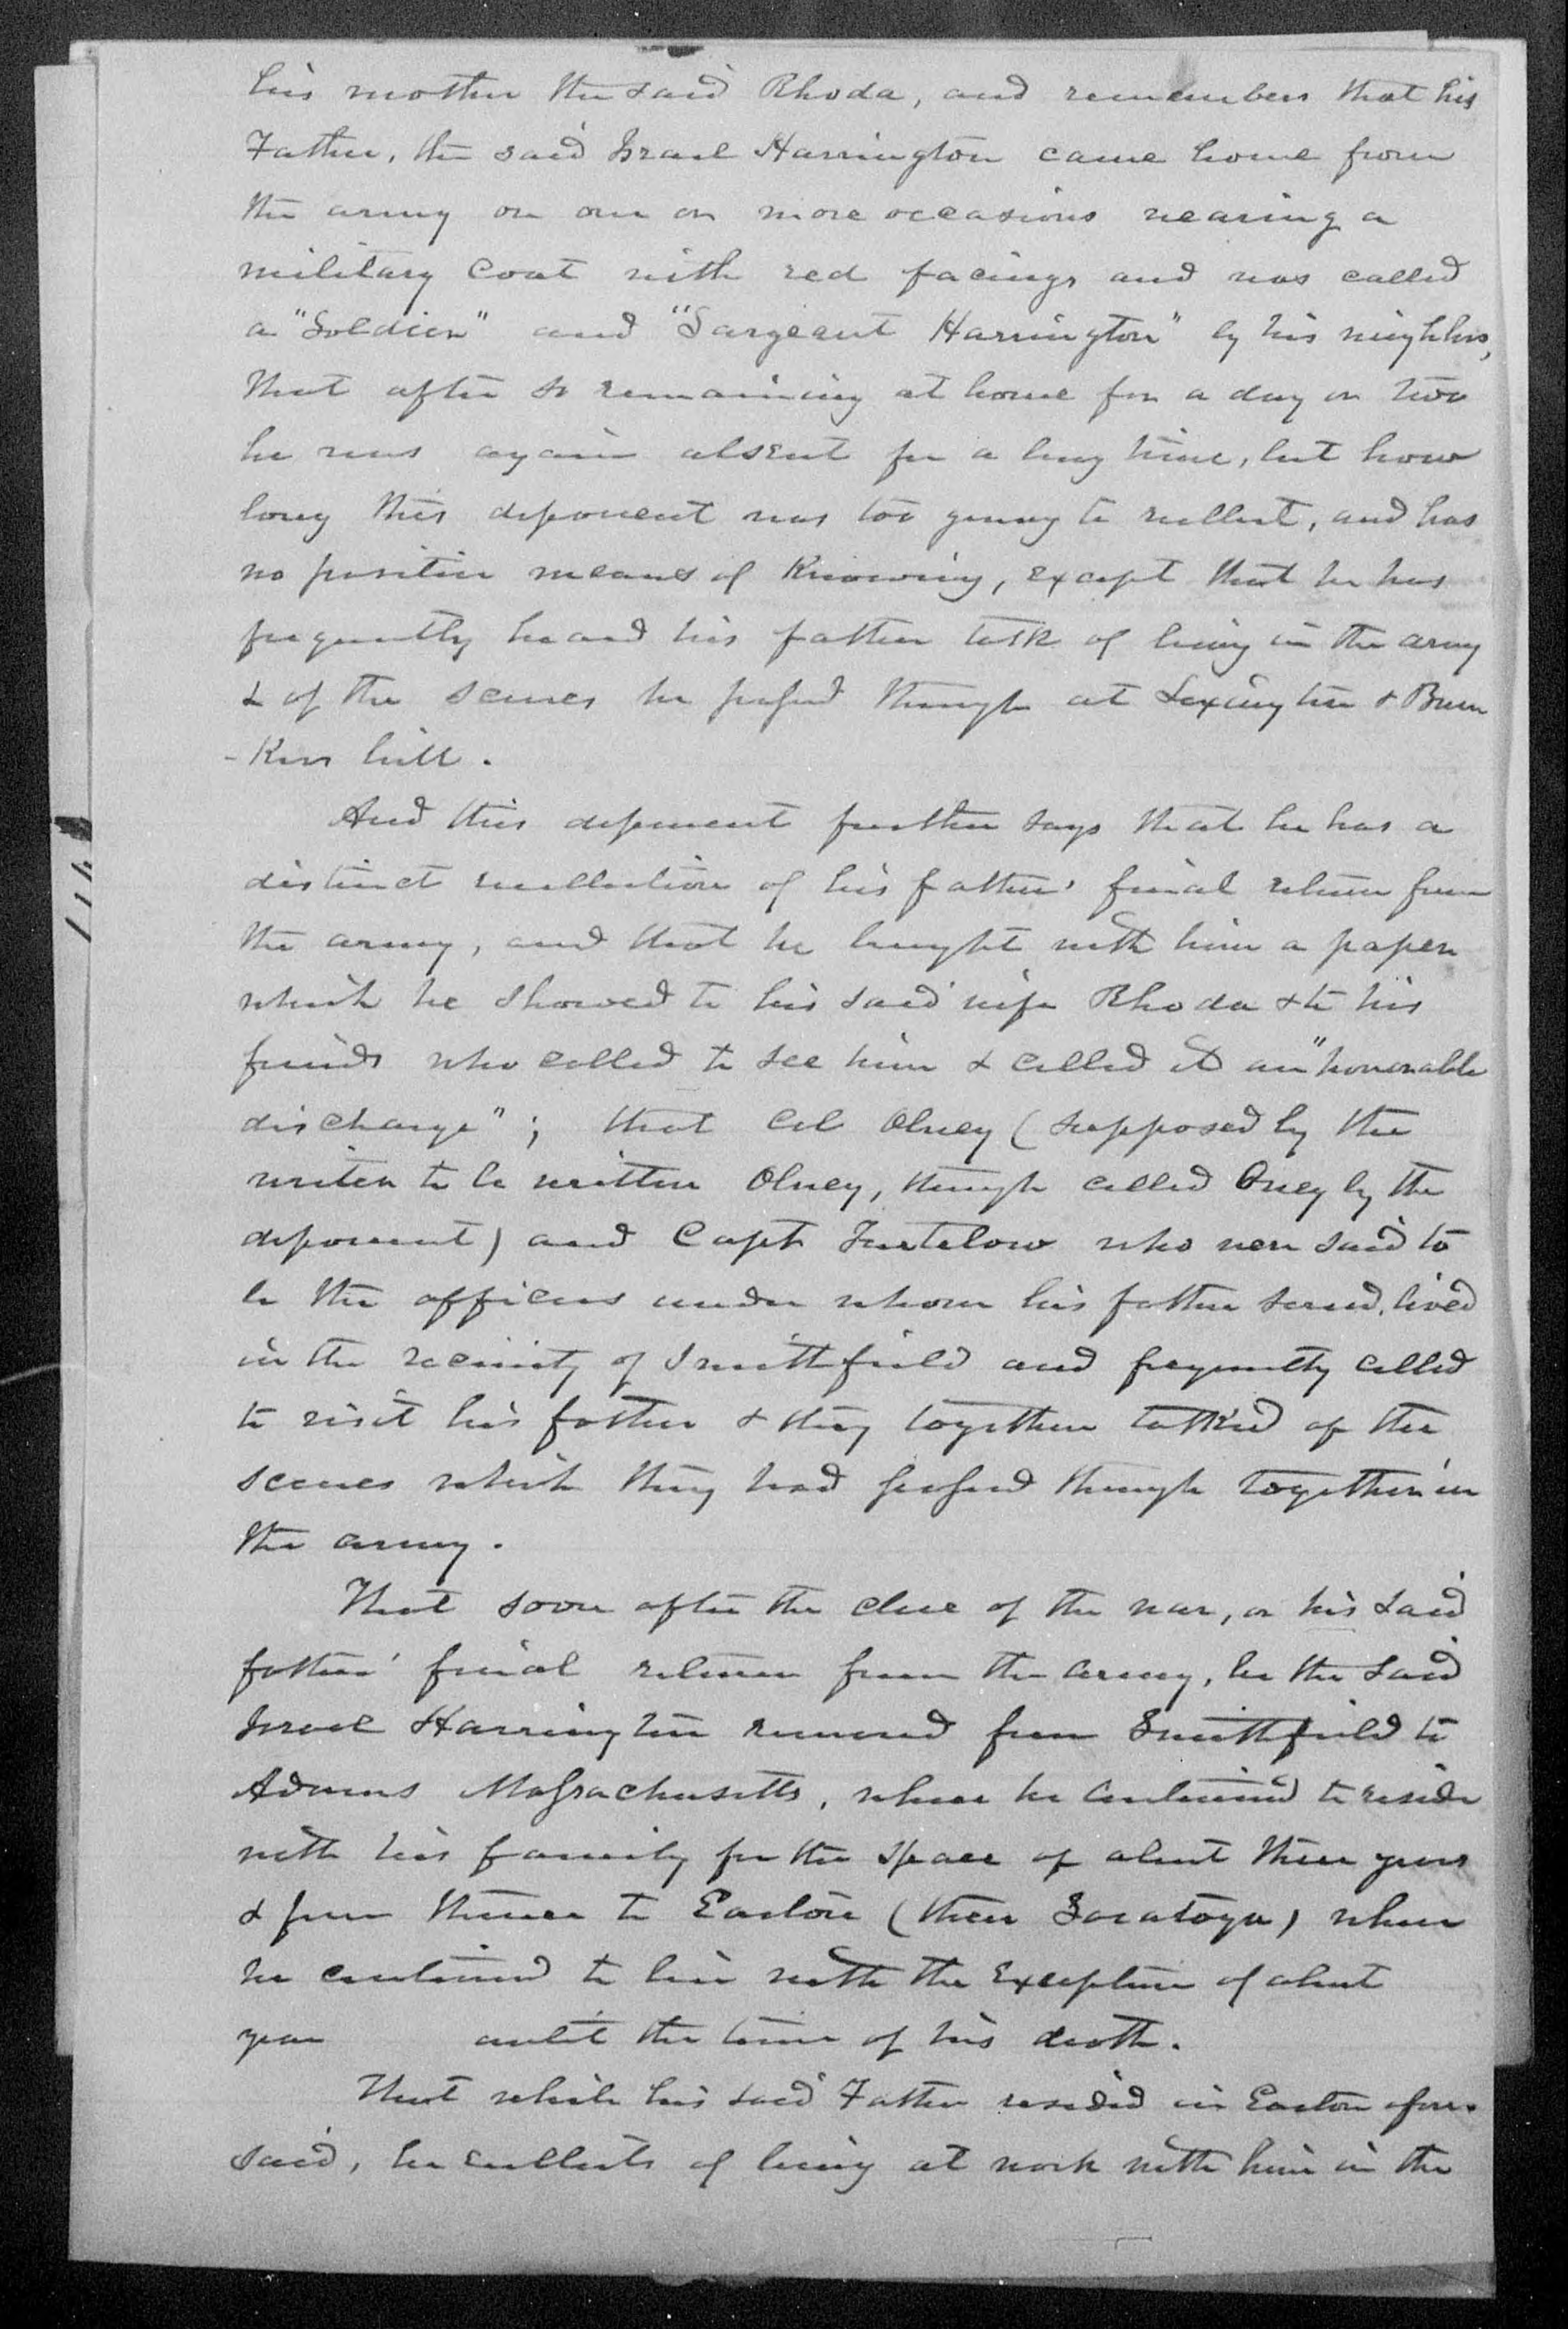his mother the said Rhoda, and remembers that his Father, the said Israel Harrington came home from the army on one or more occasions wearing a military coat with red facings and was called a "Soldier" and "Sargeant [Sergeant] Harrington" by his neighbors, that after [illegible] remaining at home for a day or two he was again absent for a long time, but how long this deponent was too young to recollect, and has no positive means of knowing, except that he has frequently heard his father talk of being in the army & of the scenes he [illegible] through at Lexington & Bunker hill.

And this deponent further says that he has a distinct recollection of his fathers' [father's] final release from the army, and that he brought with him a paper which he showed to his said wife Rhoda & to his friends who called to see him & called it an "honorable discharge"; that Col Olney (supposed by the writer to be written Olney, though called Oney by the deponent) and Capt Turtelow who was said to be the officers under whom his father served, lived in the vicinity of Smithfield and frequently called to visit his father & they together talked of the scenes which they had [illegible] through together in the army.

That soon after the close of the war, or his said father's final release from the army, he the said Israel Harrington removed from Smithfield to Adams Massachusetts, where he continued to reside with his family for the space of about three years & from thereon to Easton (then Saratoga) where he continued to live with the Exception of about year until the time of his death.

That which his said Father resided in Easton aforesaid, [he collects?] of living at work with him in the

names: Rhoda, Israel Harrington, Harrington, Olney, Israel Harrington, Olney, Turtelow, Rhoda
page: 24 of 51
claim: widow's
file: W. 19,026, Israel Harrington, R.I.